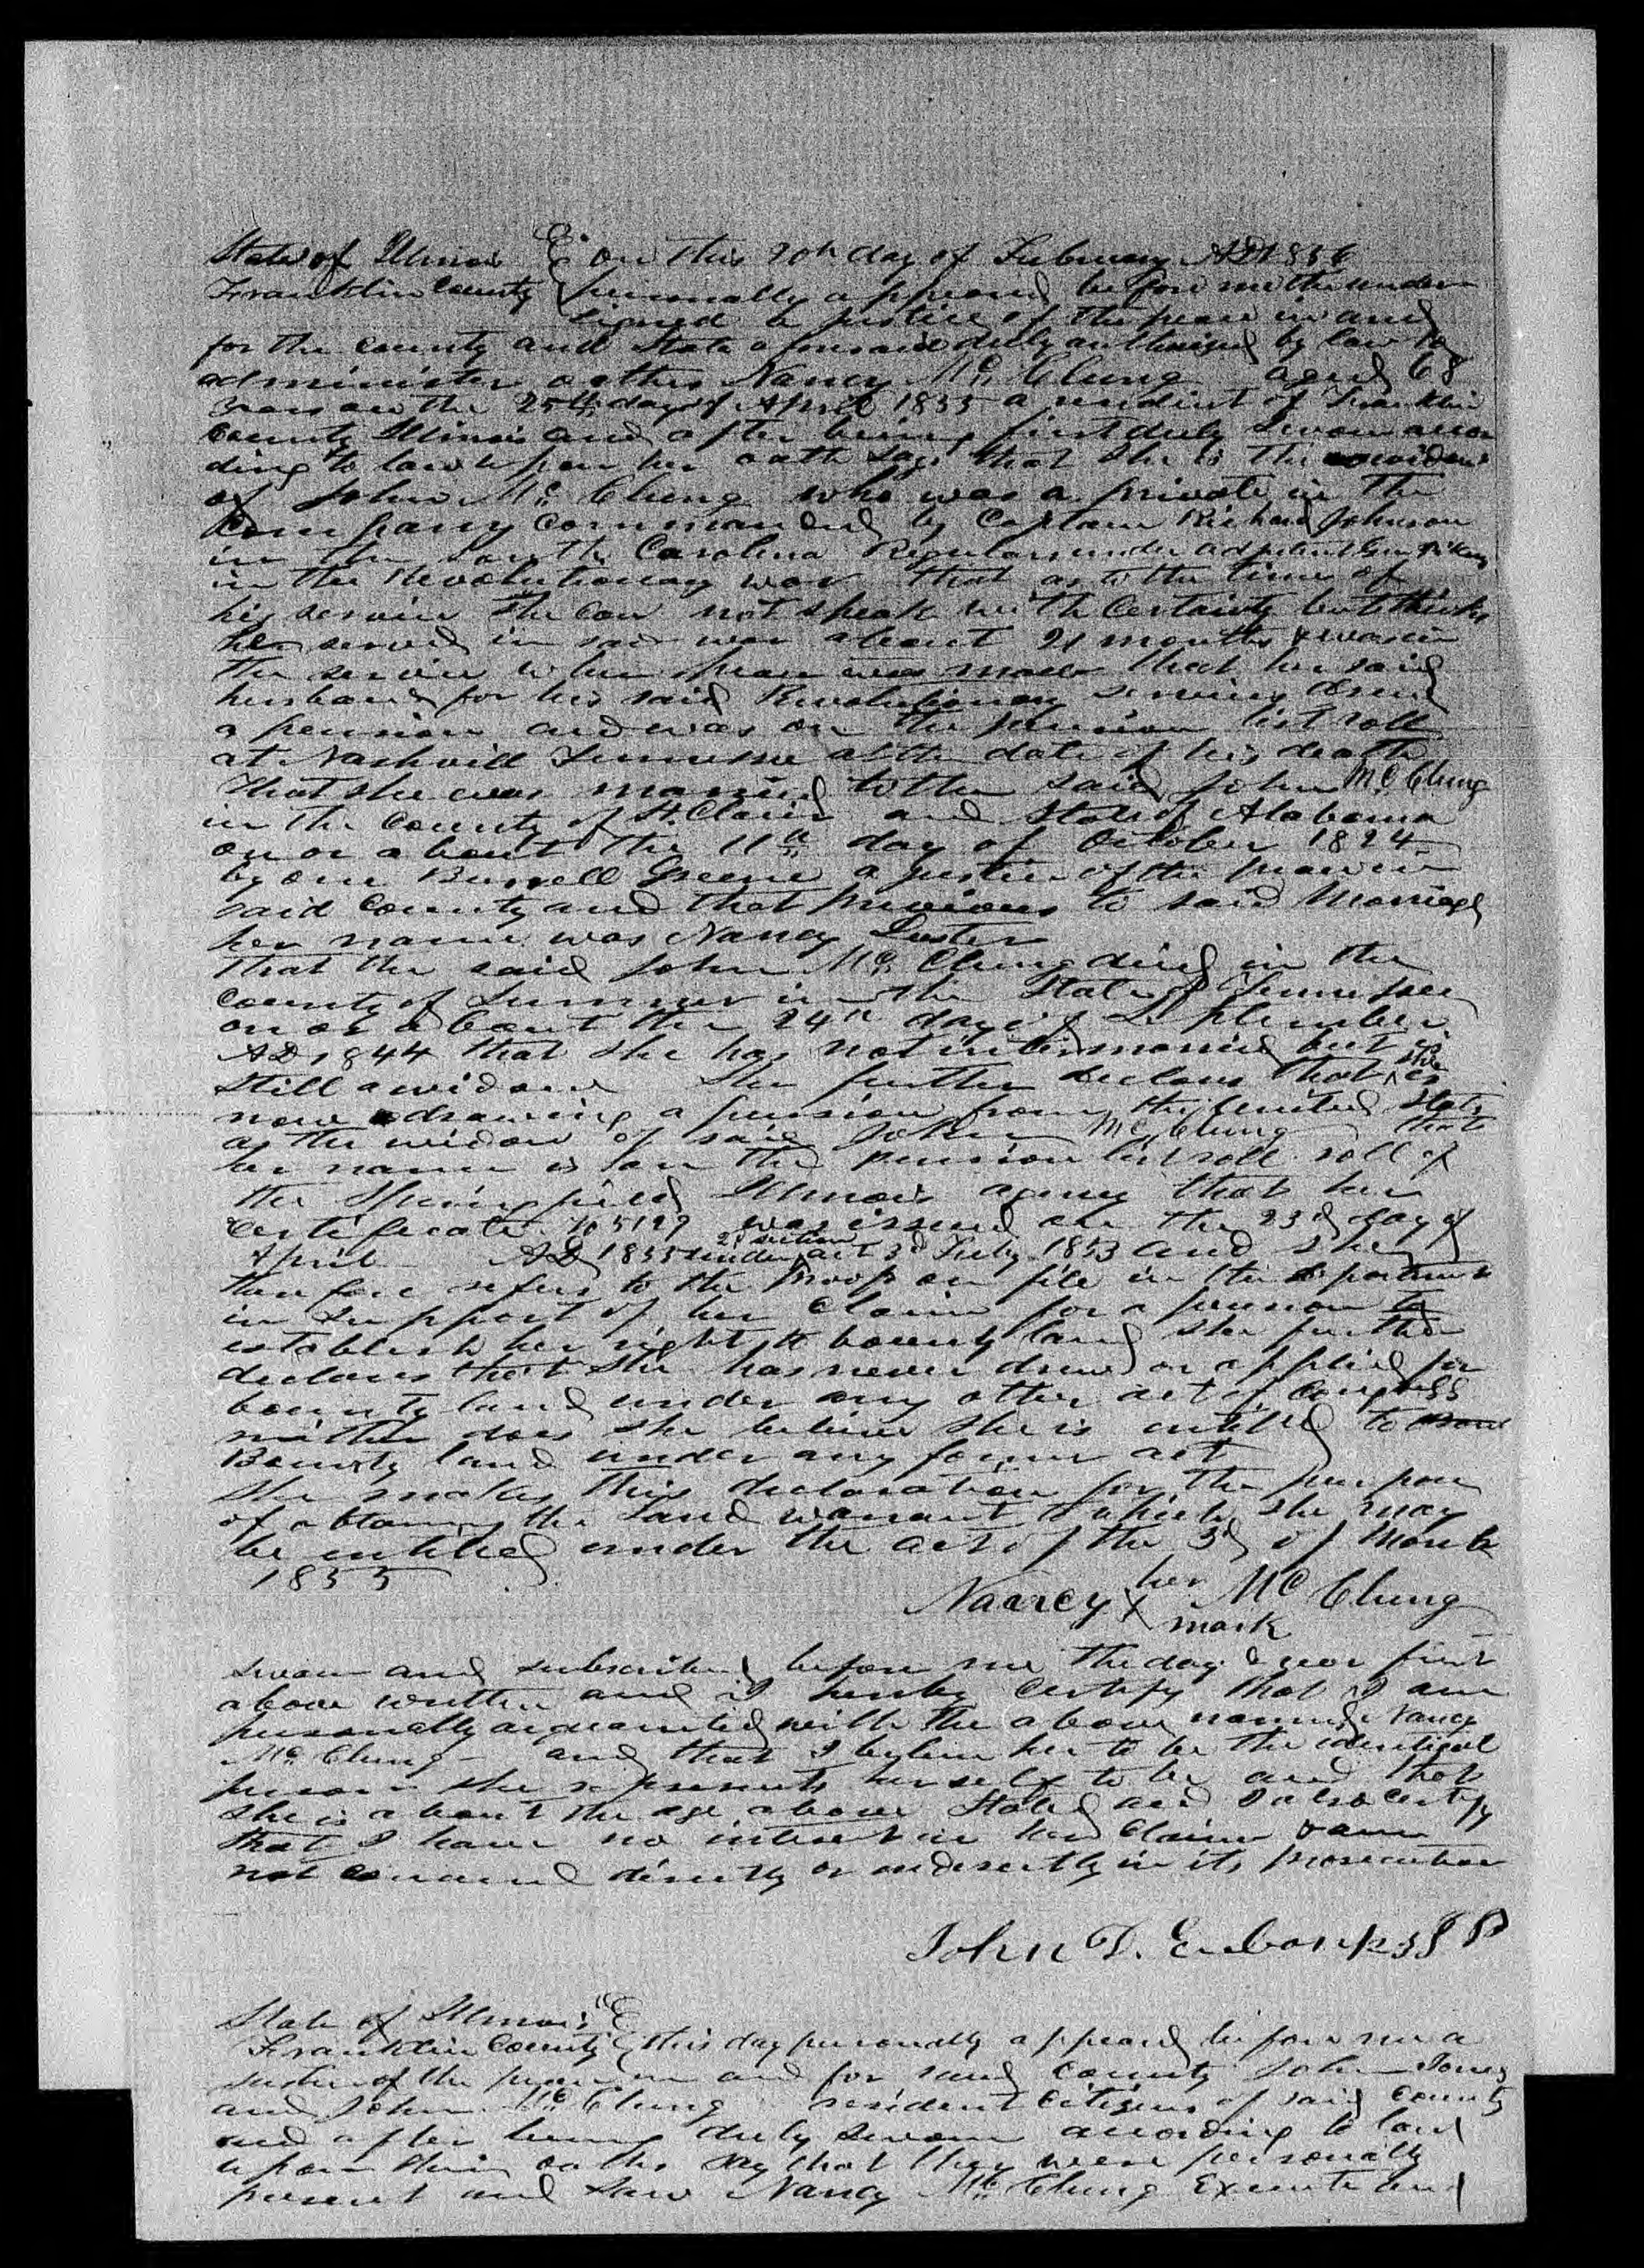State of Illinois } On this 20th day of February AD 1856
Franklin County } personally appeared before me the under
signed a justice of the peace in and 
for the County and State aforesaid duly authorized by law to 
administer oaths Nancy McClung aged 68 
years on the 25th day of April 1855 a resident of Franklin 
County Illinois and after being first duly sworn accor
ding to law upon her oath say that she is the widow 
of John McClung who was a private in the 
company commanded by Captain Richard Johnson 
in the South Carolina regulars under Adjutant Gen McKean 
in the Revolutionary War that as to the time of 
his service she can not speak with certainty but thinks 
he served in said war about 21 months & was in 
the service when peace was made that her said 
husband for his said Revolutionary services received 
a pension and was on the pension list roll 
at Nashville Tennessee at the date of his death 
That she was married to the said John McClung 
in the county of St. Clair and State of Alabama 
on or about the 11th day of October 1824 
by one Burrell Greene a justice of the peace in 
said County and that previous to said marriage 
her name was Nancy Luster

That the said John McClung died in the 
County of Sumner in the State of Tennessee 
on or about the 24th day of September 
AD 1844 that she has not intermarried but is 
still a widow She further declares that she is 
now drawing a pension from the United States 
as the widow of said John McClung that 
her name is on the pension list roll [repeated: roll] of 
the Springfield Illinois agency that her 
certificate No 5129 was issued on the 23rd day of 
April AD 1855 under 2d section act 3d Feby 1853 and she 
therefore refers to the proof on file in the Department in support of her claim for a pension to 
establish her right to bounty land She further 
declares that she has never drew or applied for 
bounty land under any other act of Congress  
neither does she believe she is entitled to [struck out: boun]
bounty land under any former act.

She makes this declaration for the purpose 
of obtaining the land warrant to which she may 
be entitled under the act of the 3d of March 
1855.
Nancy her X mark McClung
Sworn and subscribed before me the day & year first 
above written and I hereby certify that I am 
personally acquainted with the above named Nancy 
McClung and that I believe her to be the identical 
person she so presents herself to be and that 
she is about the age above stated and I also certify 
that I have no interest in her claim & am 
not concerned directly or indirectly in its prosecution
John D. Eubanks JP

State of Illinois } 
Franklin County } This day personally appeared before me a 
Justice of the peace in and for said County John Jones 
and John McClung resident citizens of said County 
and after being duly sworn according to law 
upon their oaths say that they were personally 
present and saw Nancy McClung execute and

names: Nancy Luster; Burrell Greene; Richard Johnson; John Jones; Nancy Mc Clung; [BLANK] Mc Kean; John Mc Clung; John D Eubanks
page: 13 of 115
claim: widow's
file: W. 1446, for John Mc Clung, South Carolina